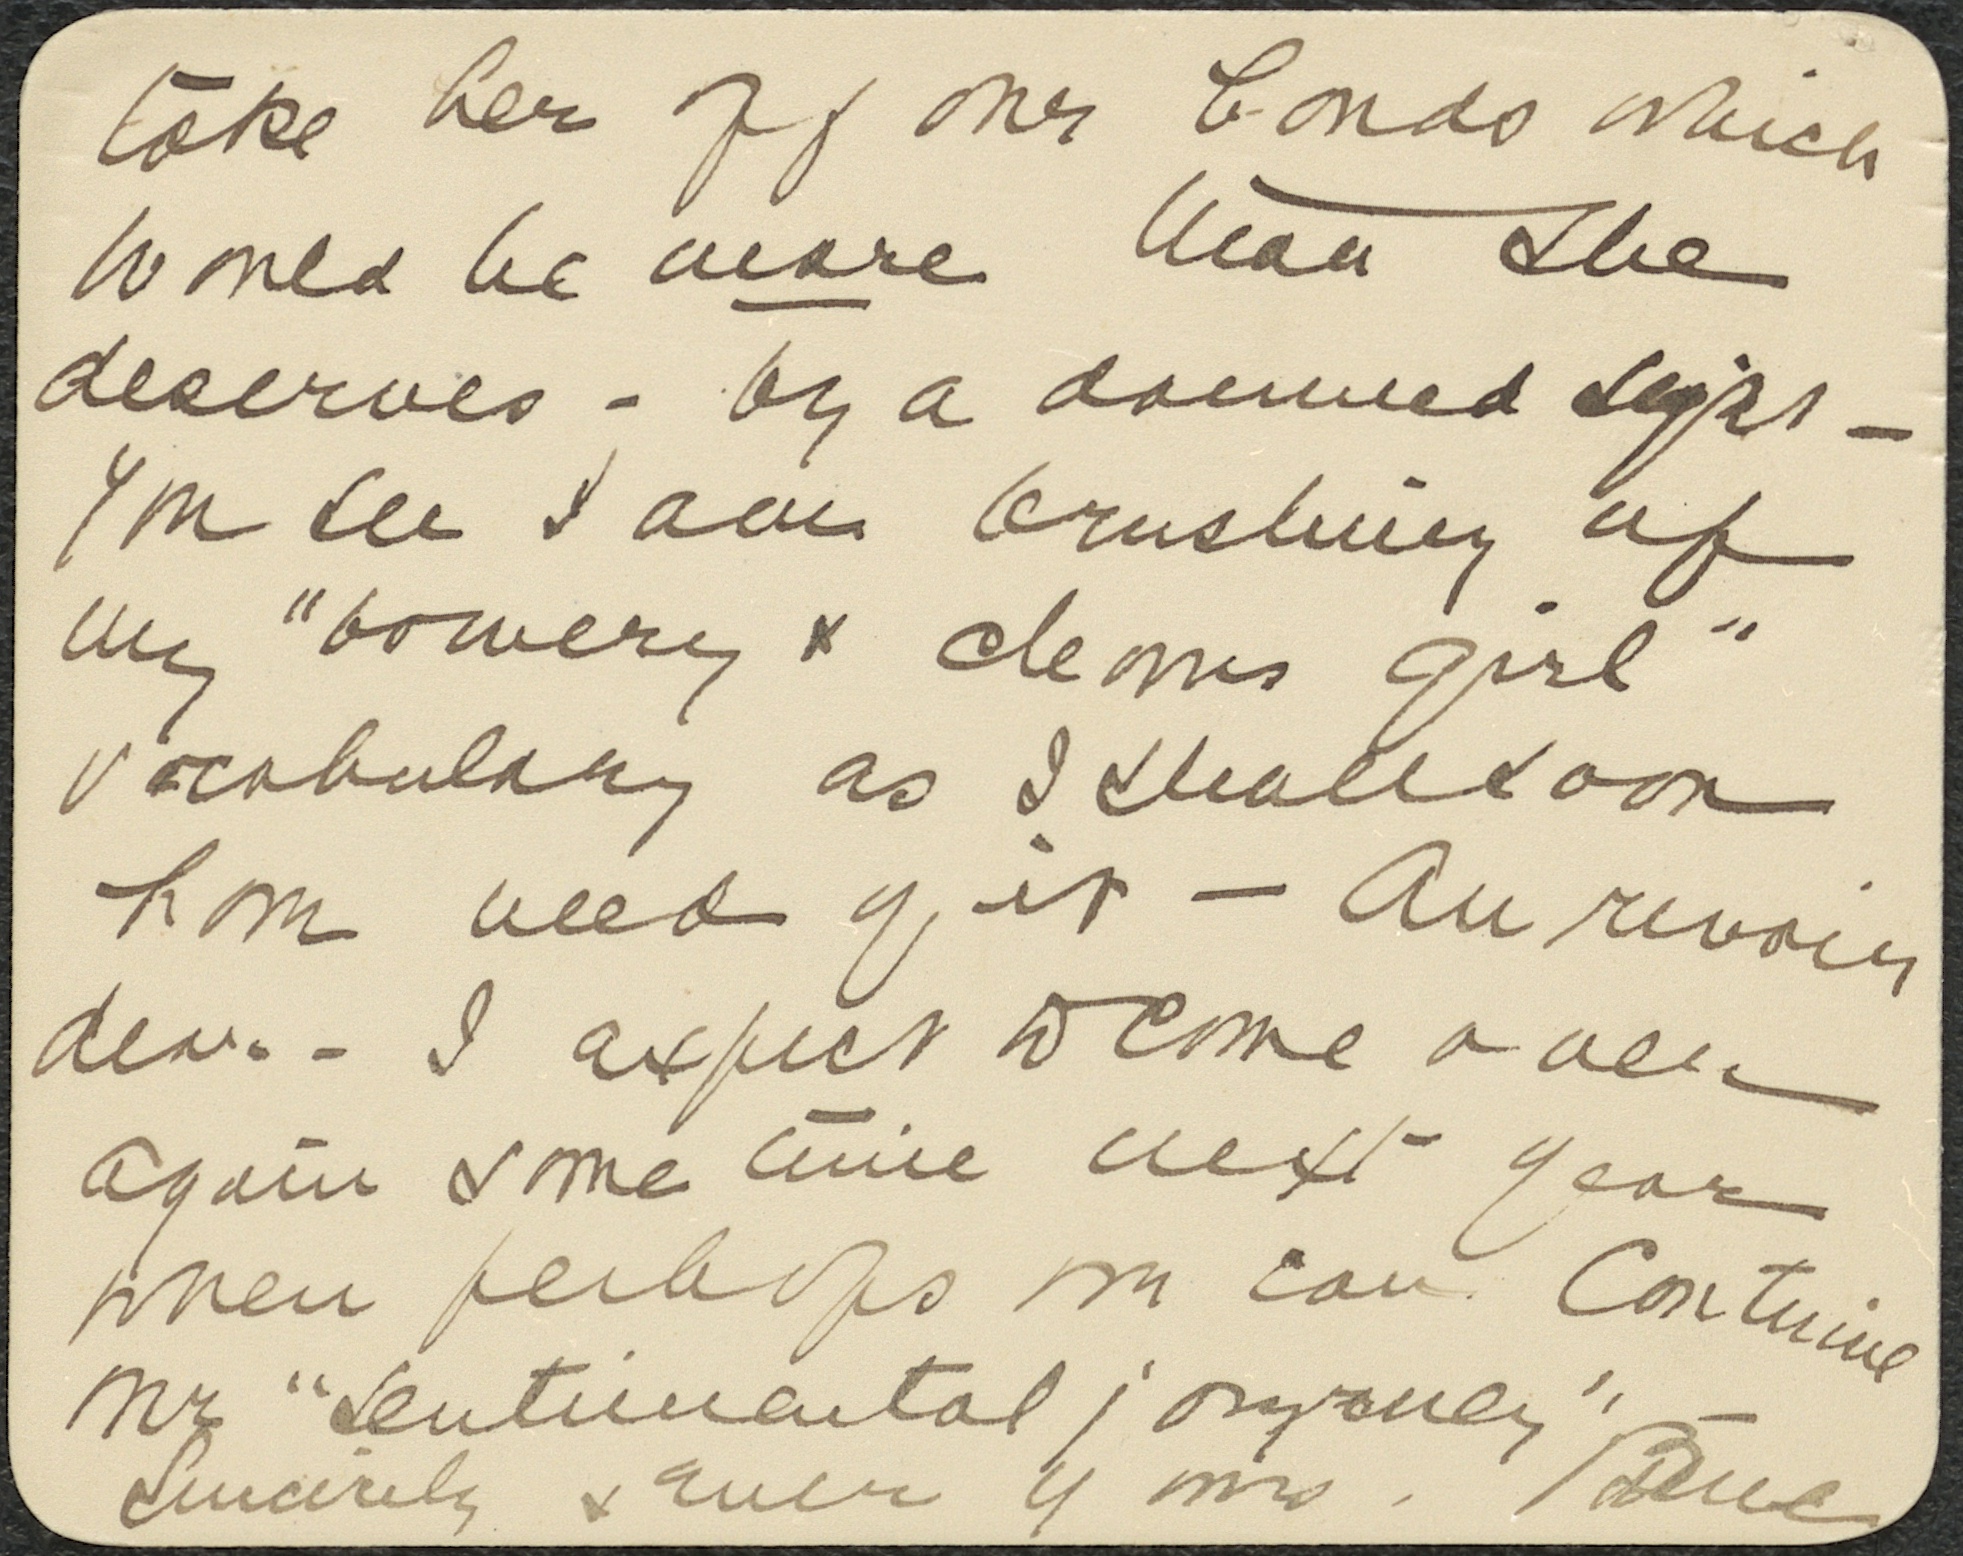take her off our hands which would be more than she deserves – by a damned sight – you see I am brushing up my “bowery & cleaner girl” vocabulary as I shall soon have need of it – Au revoir dear – I expect to come over again some time next year when perhaps we can continue Mr “Sentimental journey” –
Sincerely & ever yours, Belle